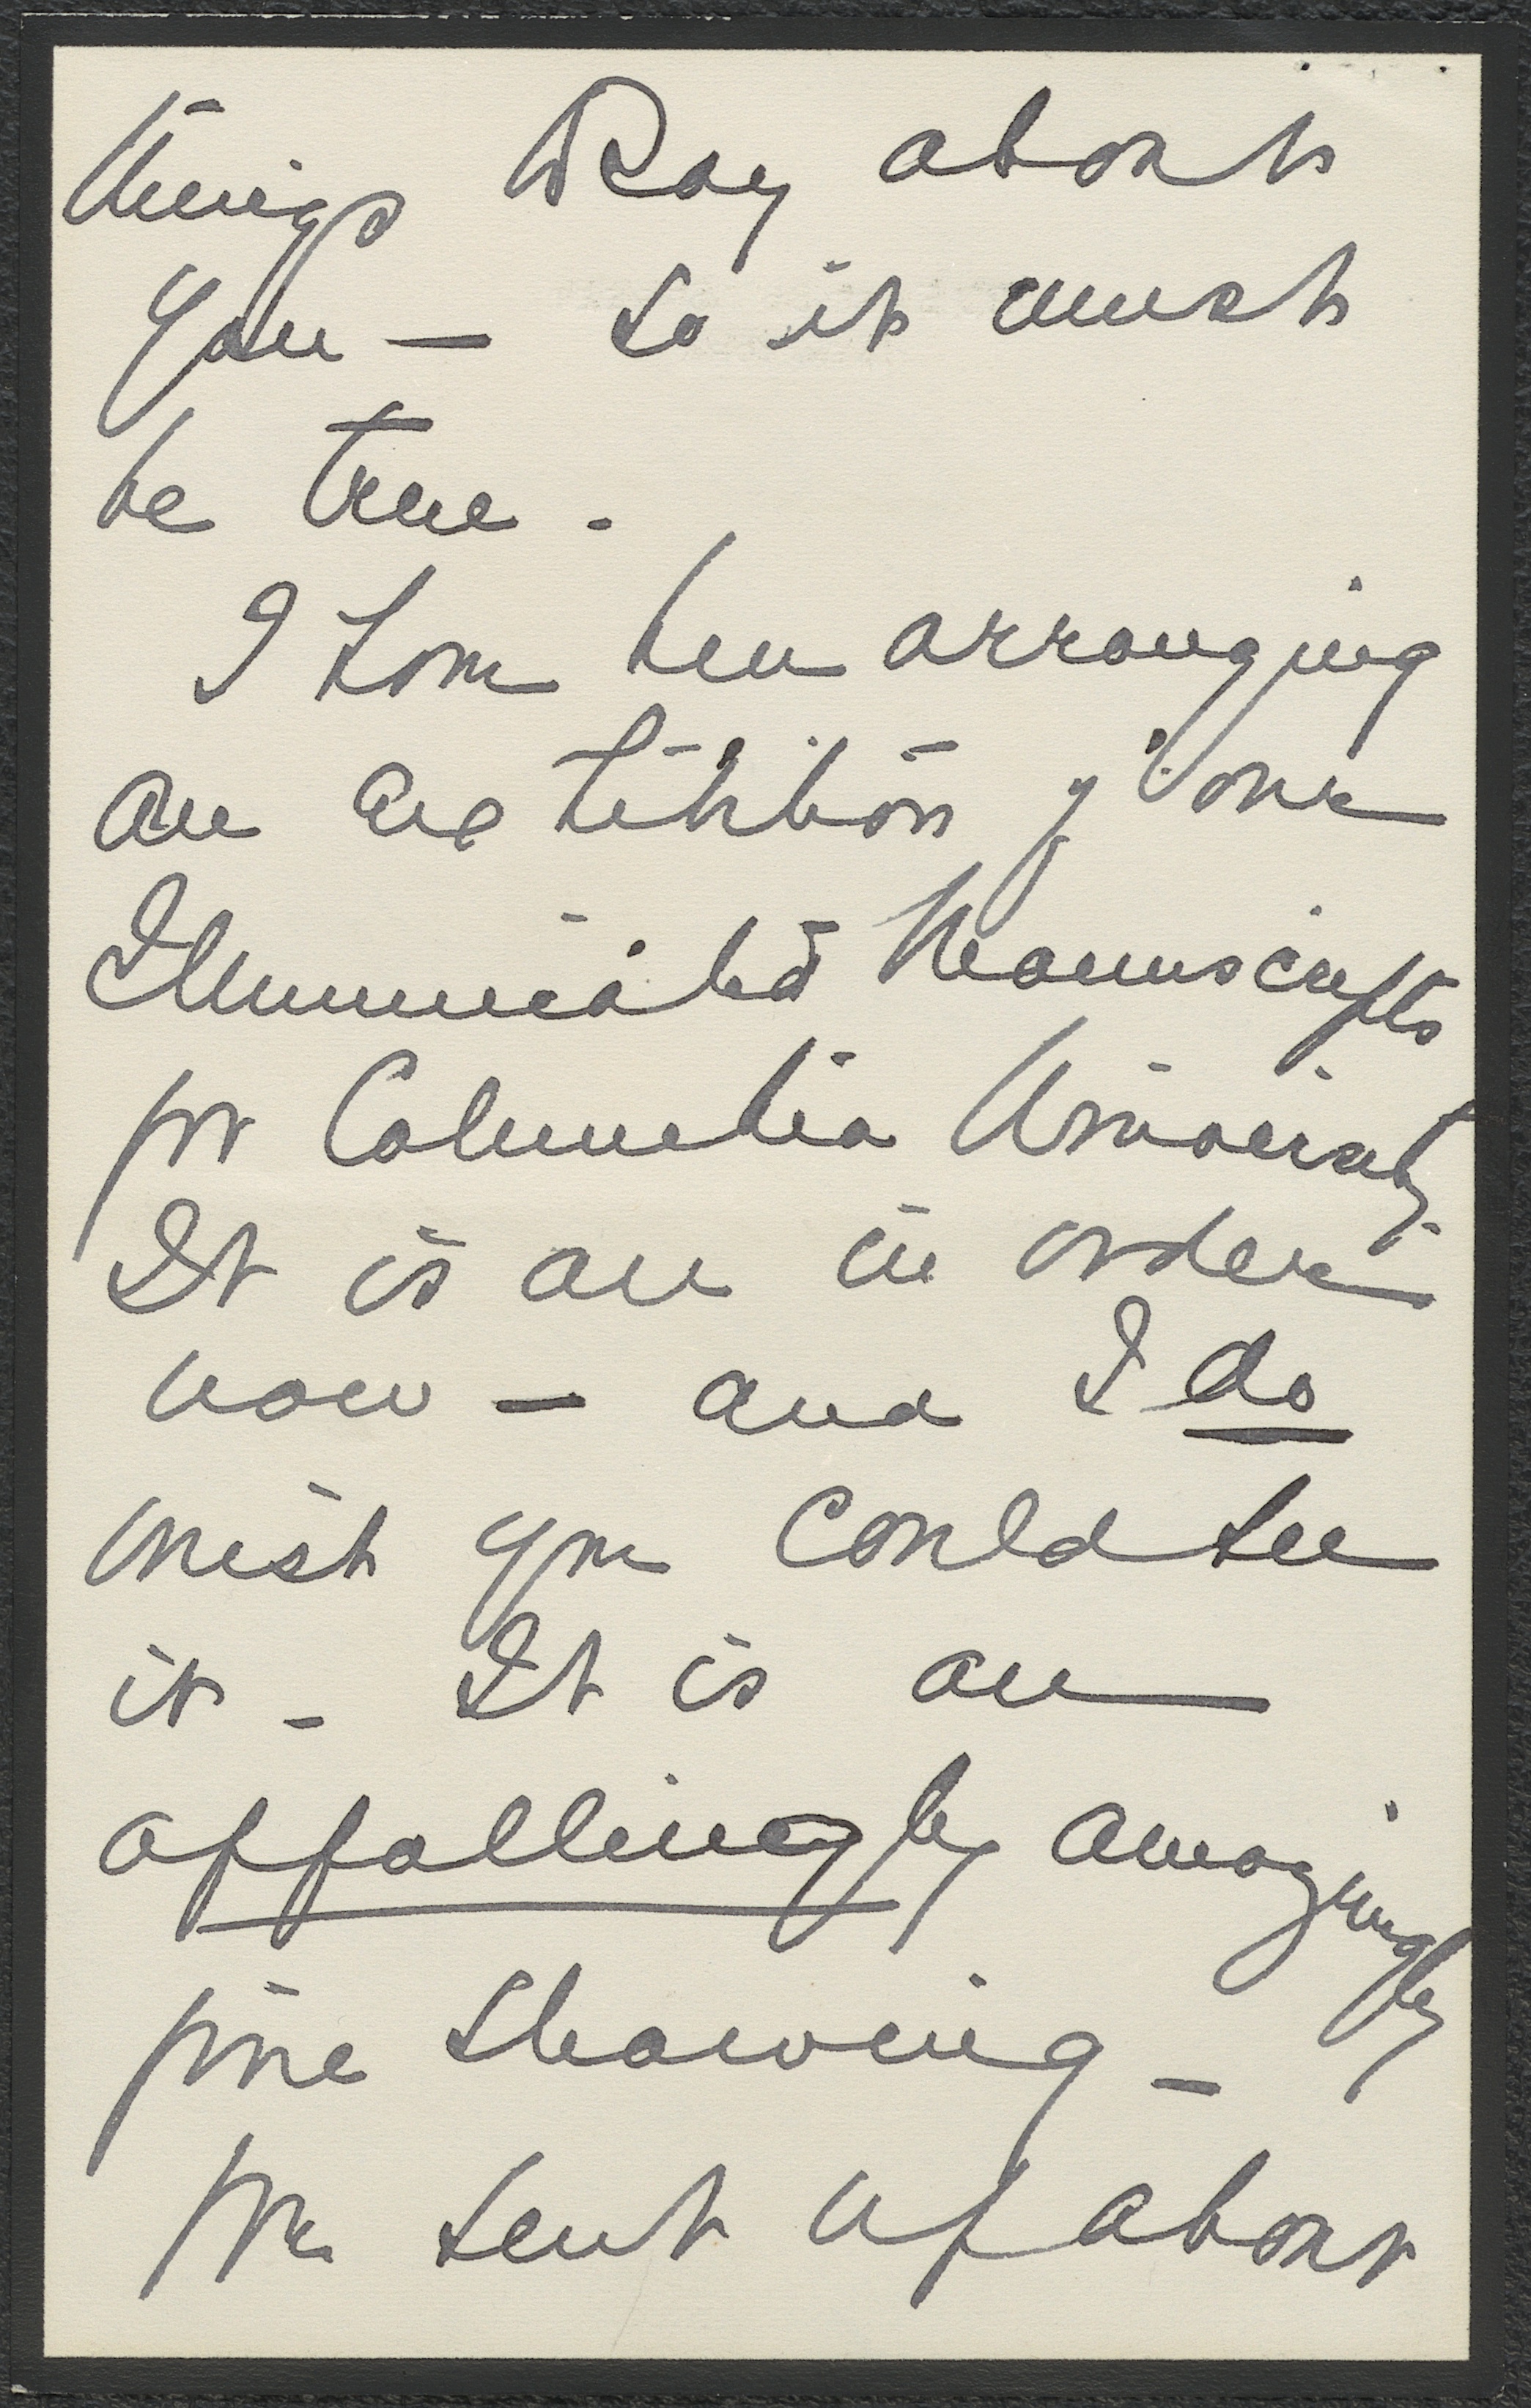things to say about you – so it must be true –
I have been arranging an exhibition of our Illuminated Manuscripts for Columbia University. It is all in order now – and I do wish you could see it – It is an appallingly amazingly fine showing –
We sent up about